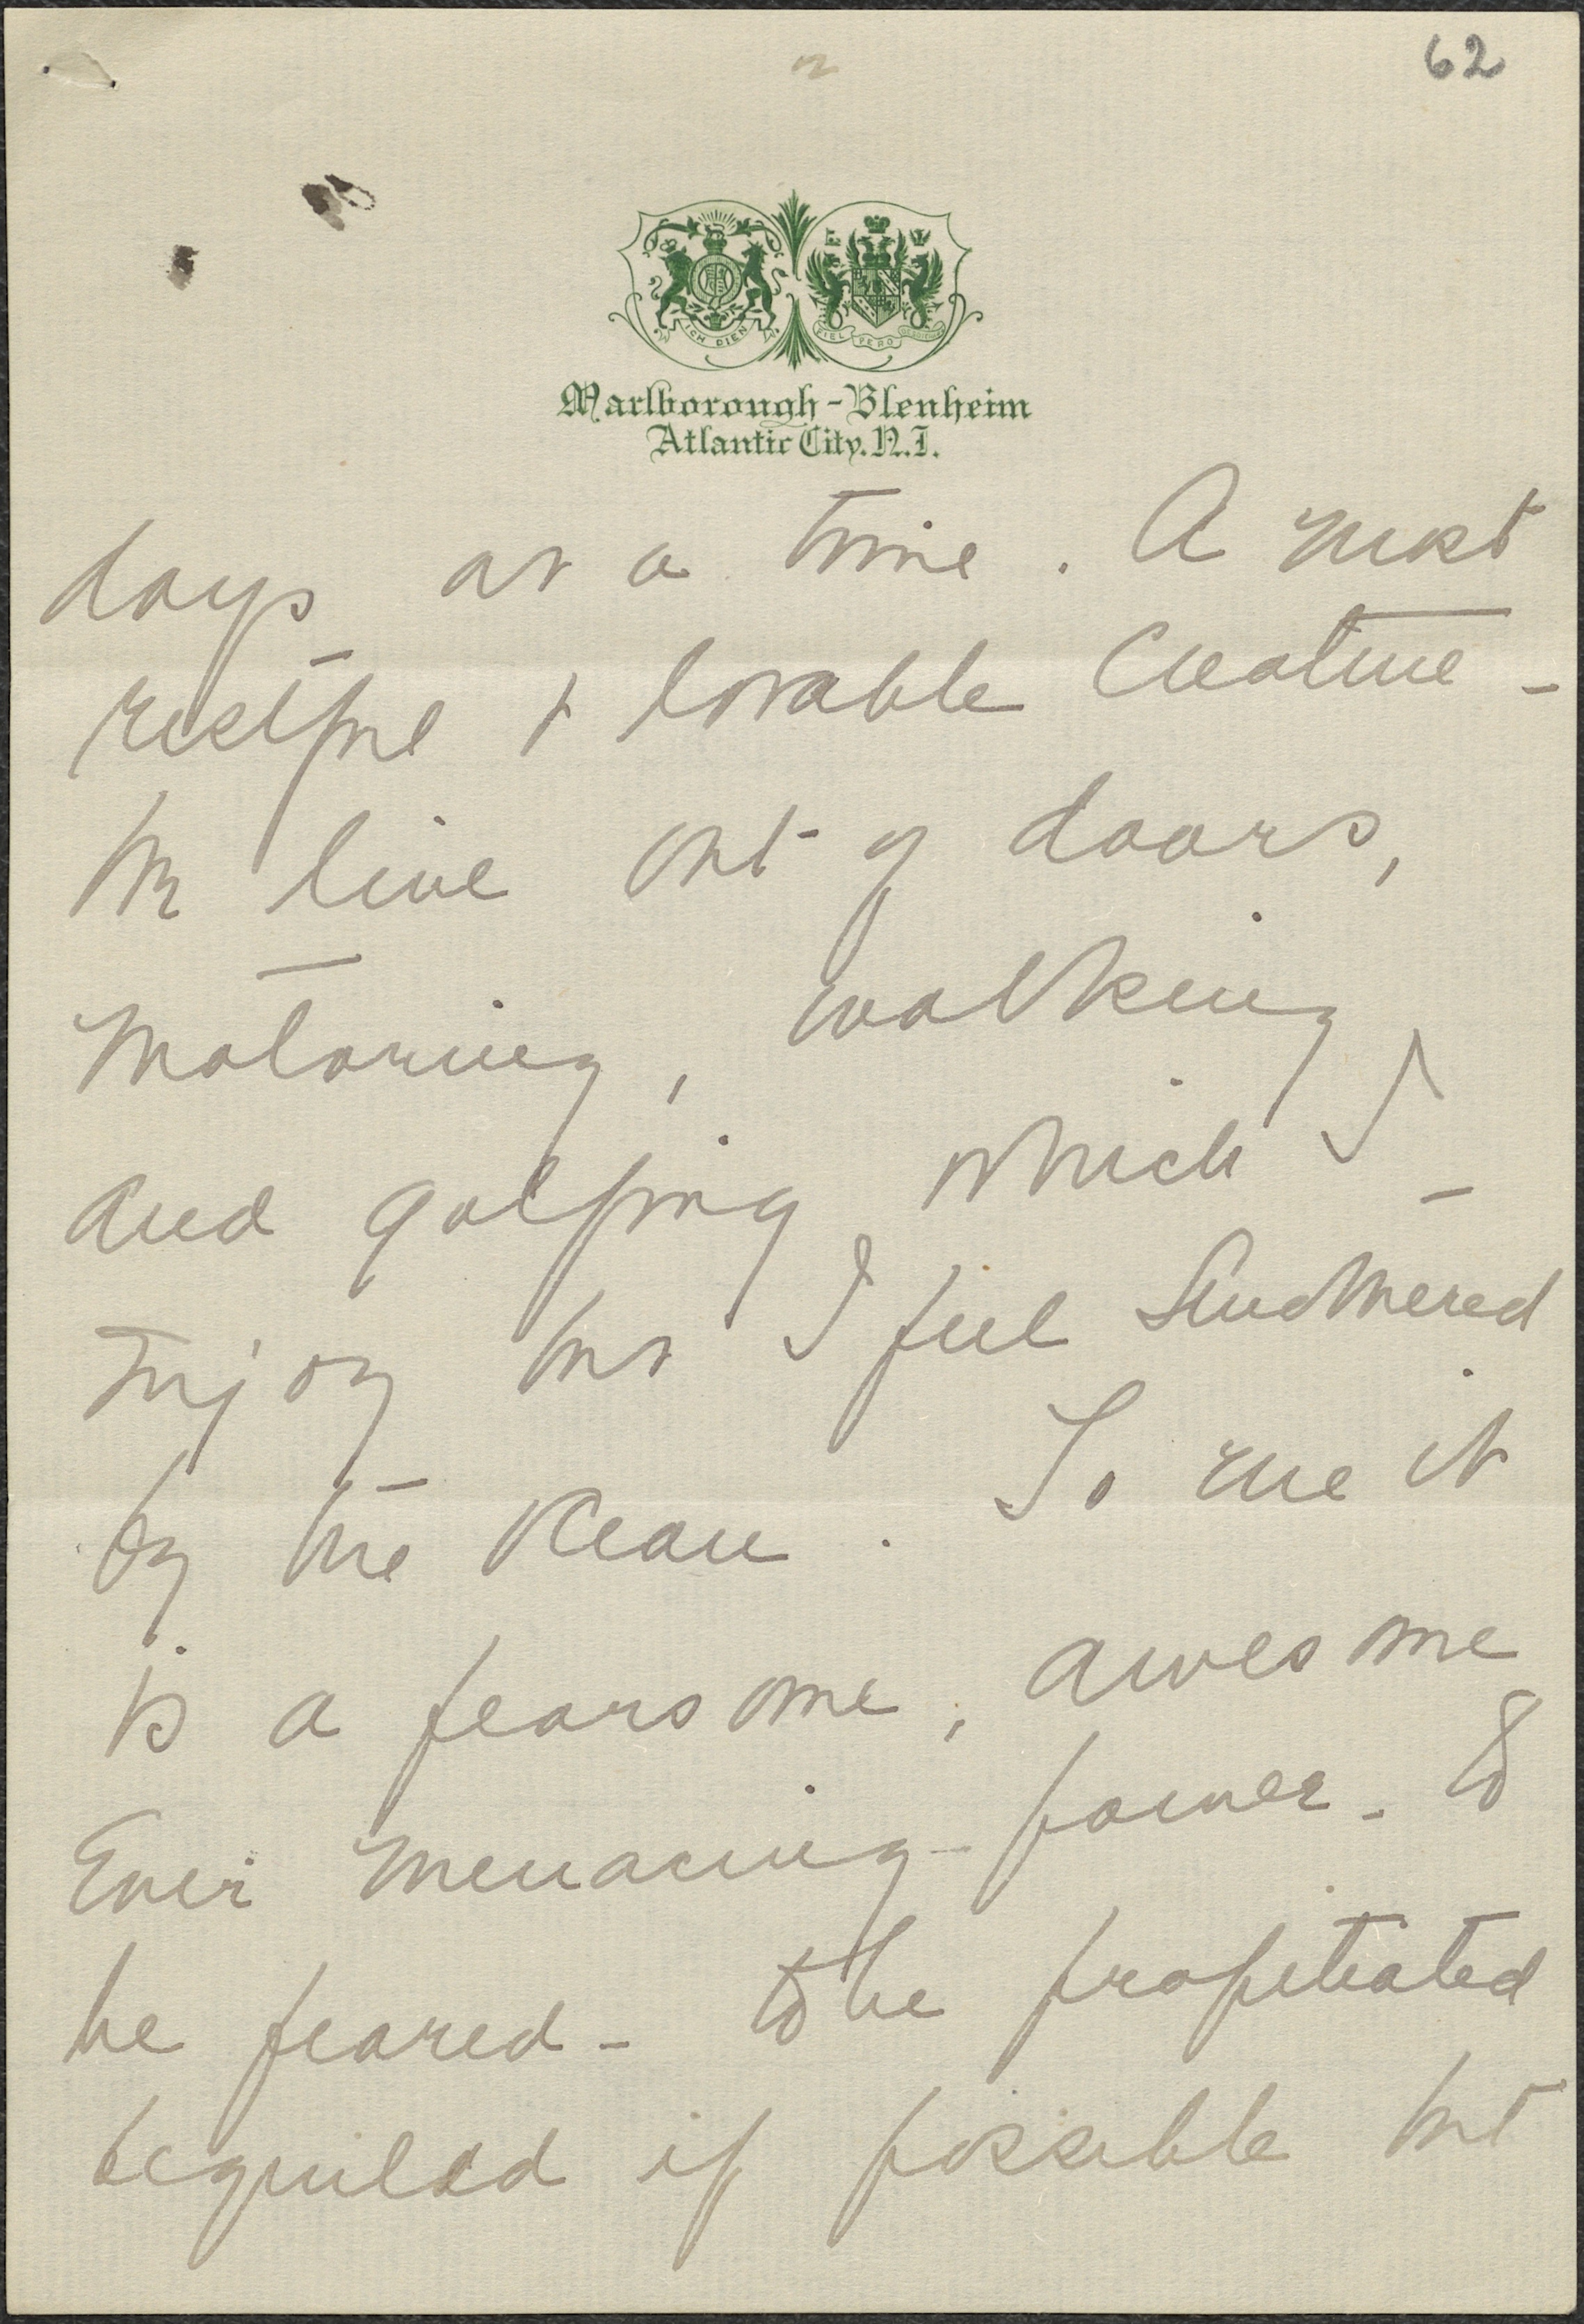2
days at a time. A most restful & lovable creature – we live out of doors, motoring, walking and golfing which I enjoy but I feel smothered by the ocean. To me it is a fearsome, awesome ever menacing-power – to be feared – to be propitiated beguiled if possible but